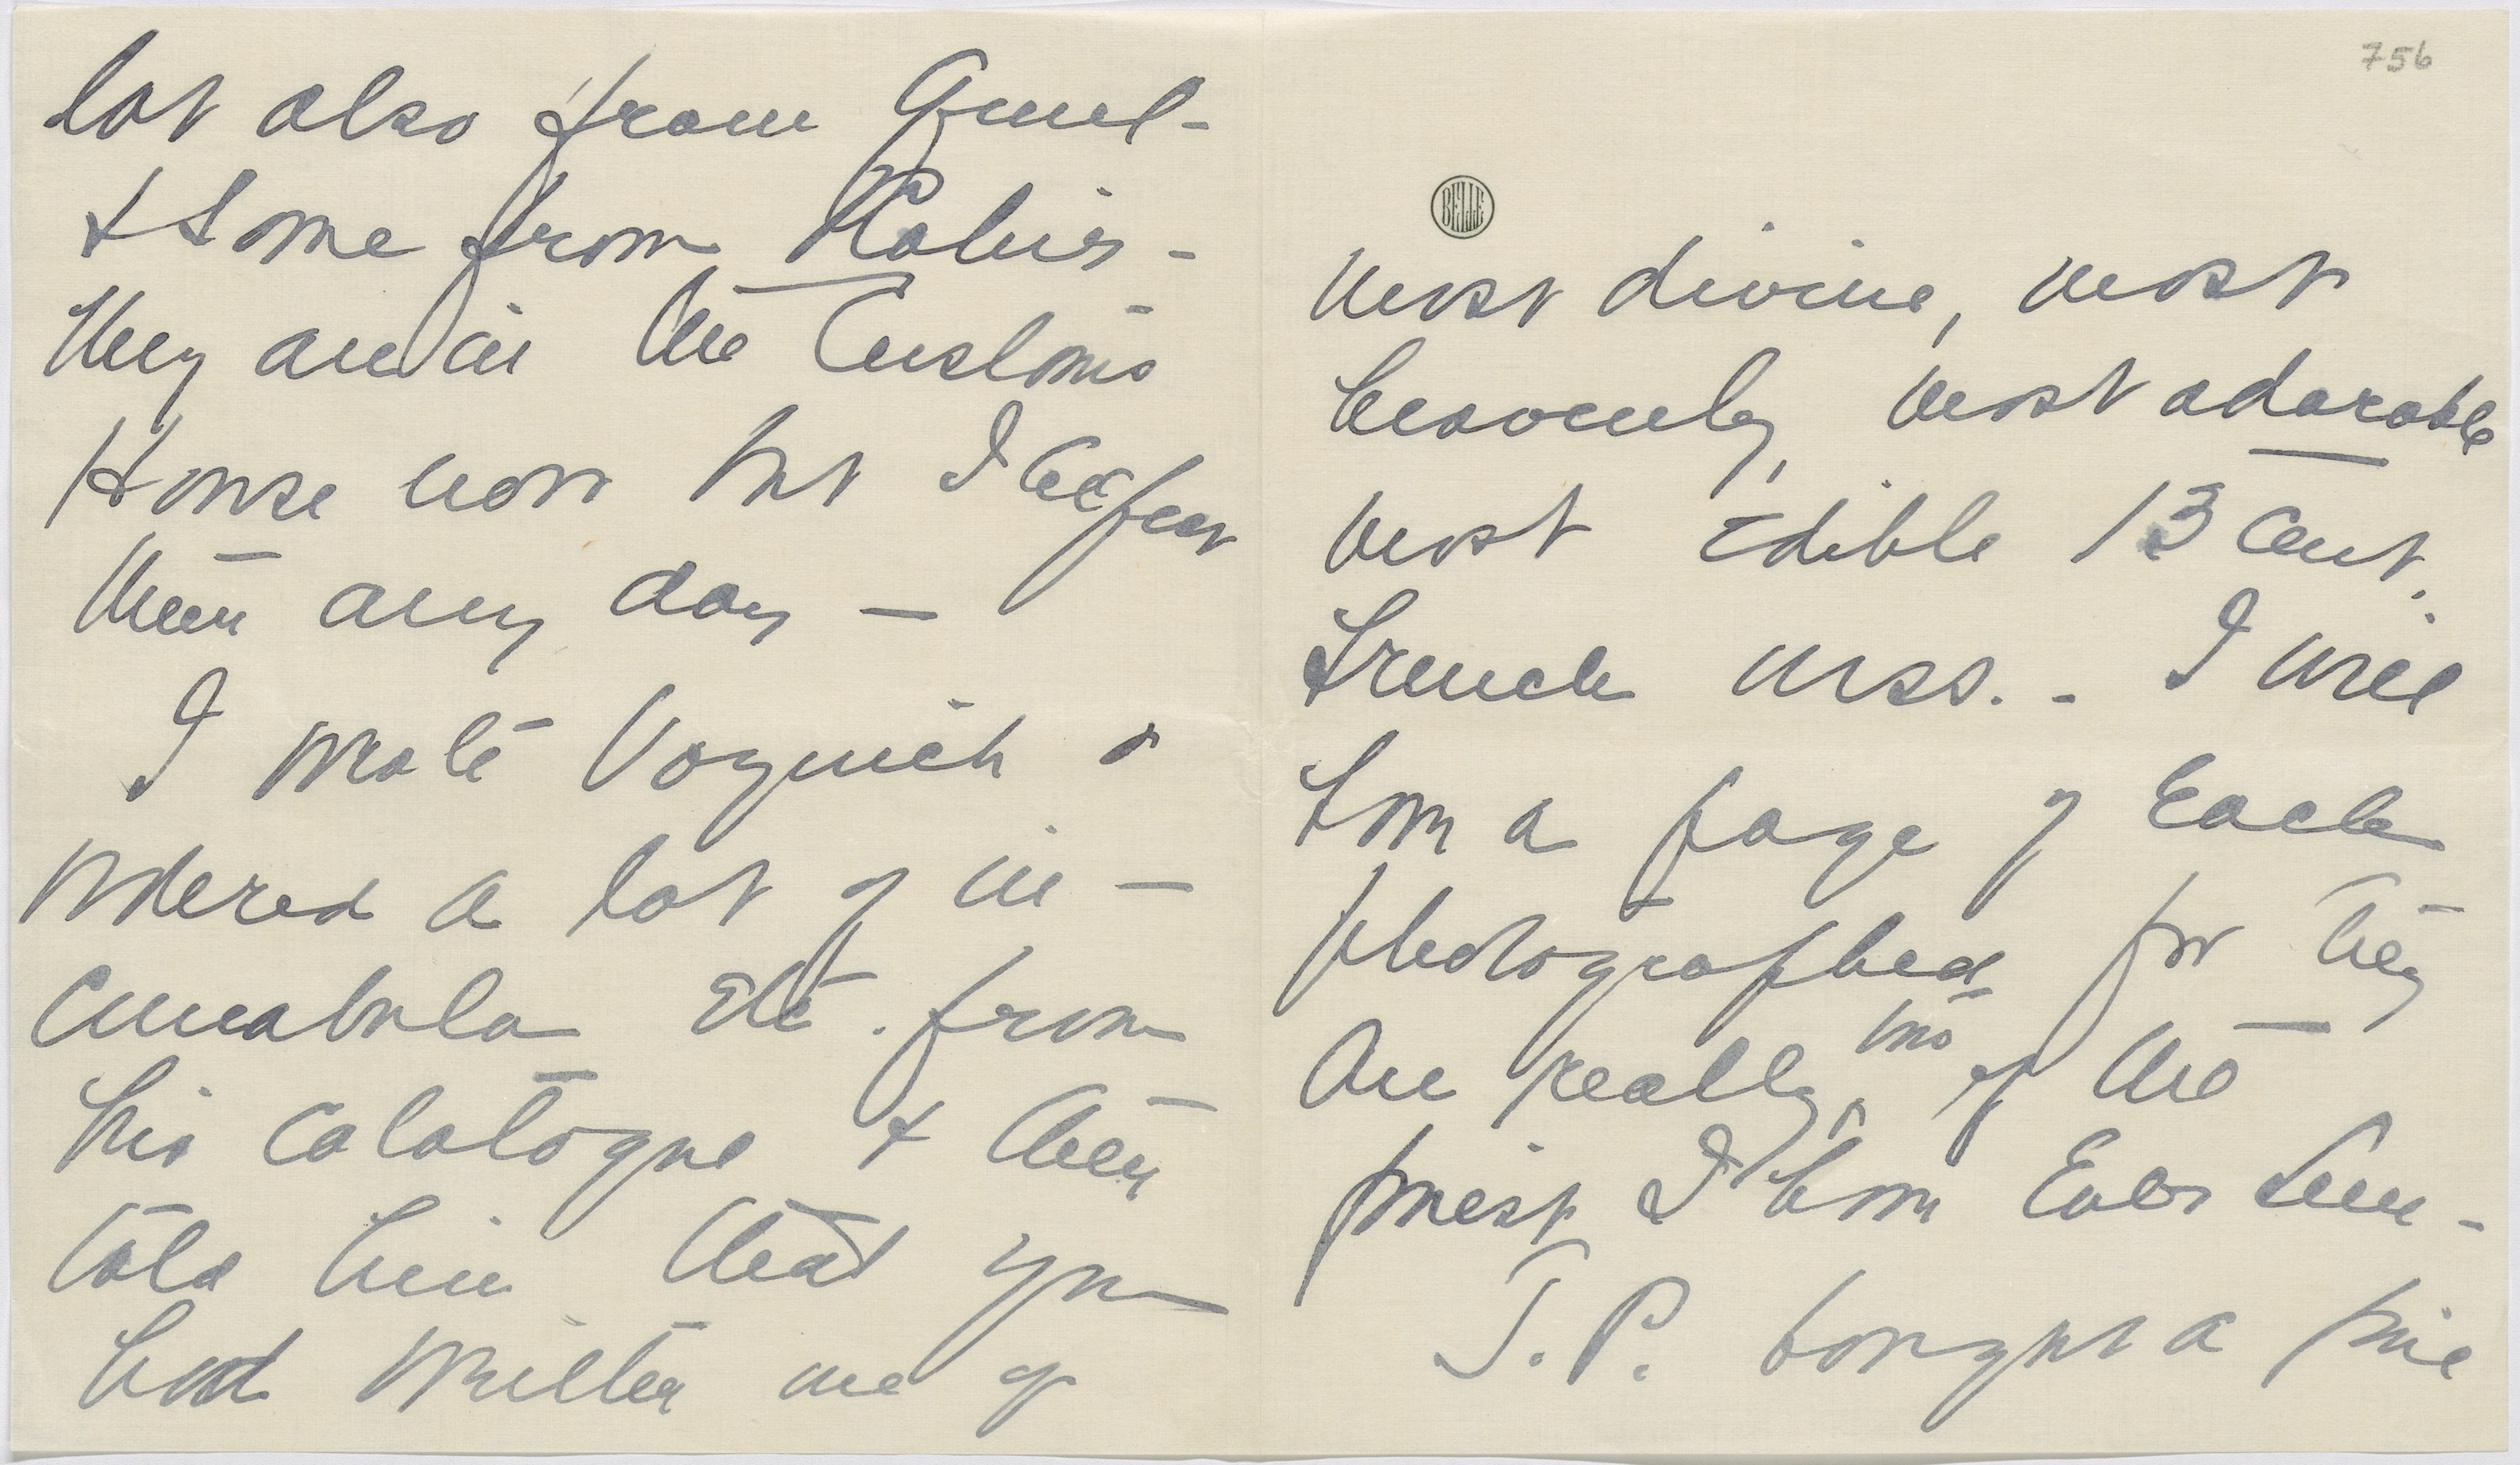most divine, most heavenly, most adorable most edible 13 cent. French mss. – I will have a page of each photographed for they are really [^ two^] of the finest I have ever seen.
J. P. bought a fine
lot also from Gruel – & some from Rahir – they are in the Customs House now but I expect them any day –
I wrote Voynich & ordered a lot of incunabula etc. from his catalogue & then told him that you had written me of